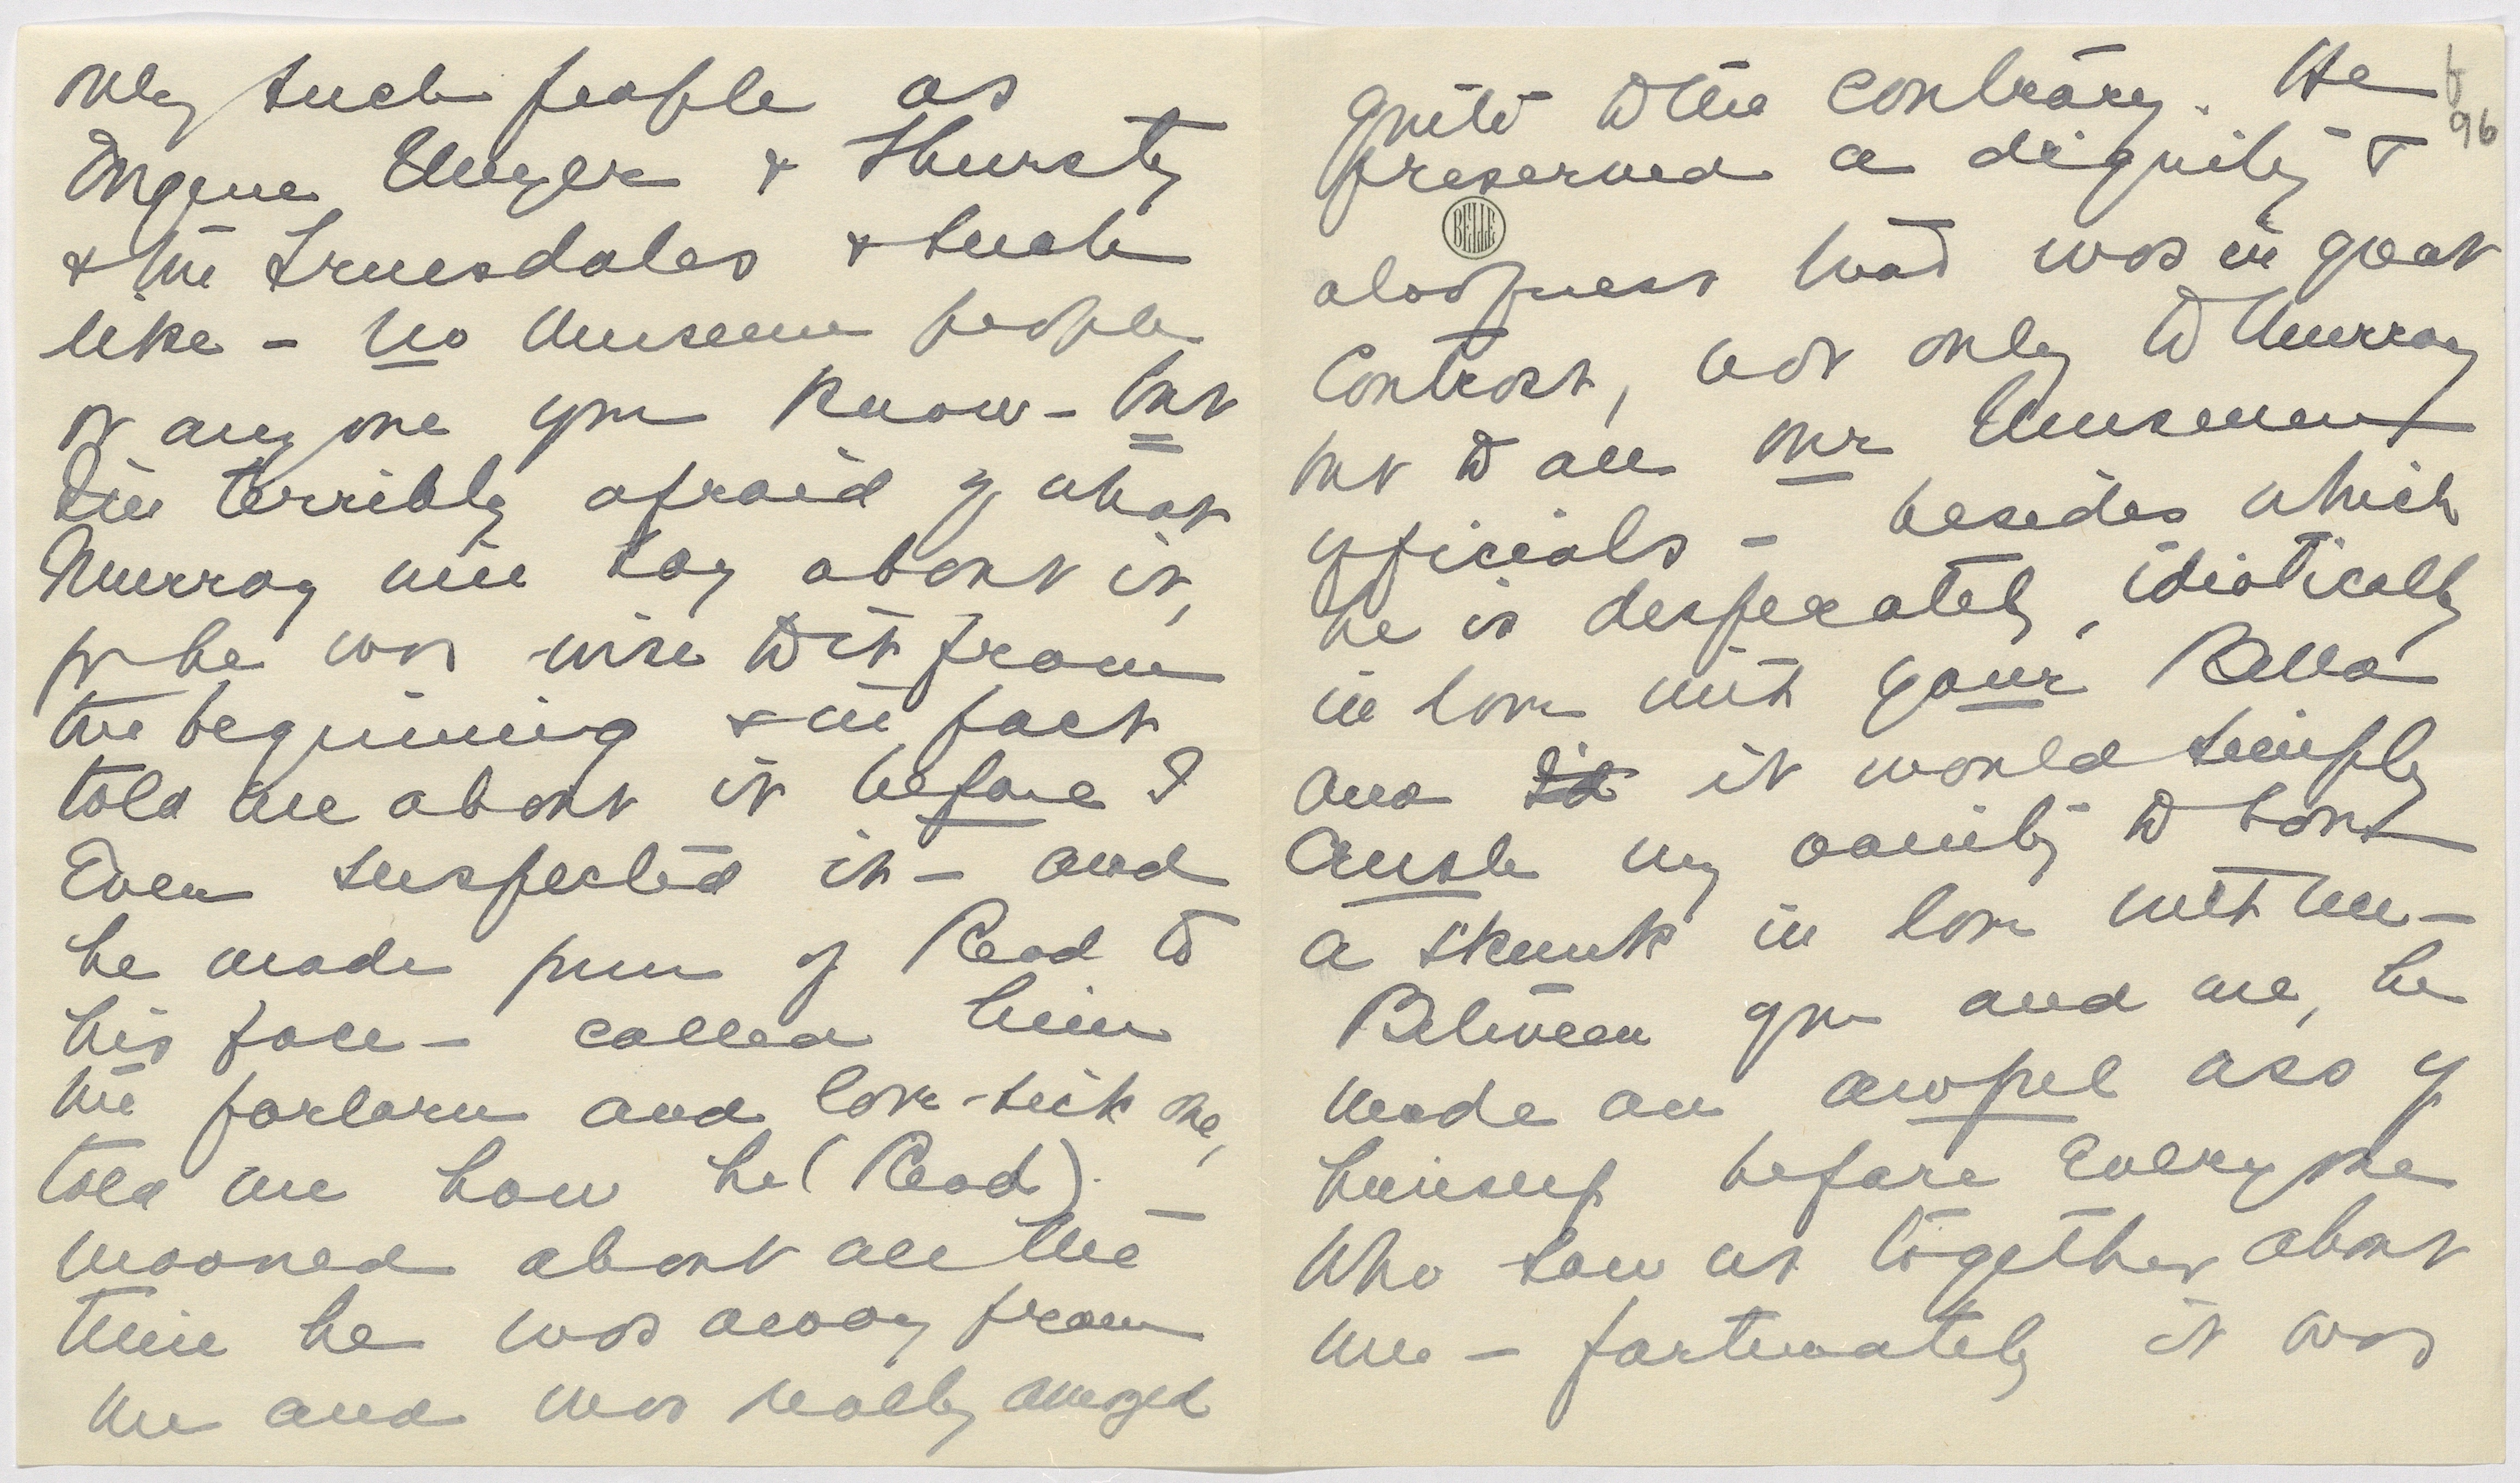quite to the contrary. He preserved a dignity & aloofness that was in great contrast, not only to Murray but to all our Museum officials – besides which he is desperately, idiotically in love with your Bella and I’d it would simply crush my vanity to have a skunk in love with me – Between you and me, he made an awful ass of himself before everyone who saw us together about one – fortunately it was
only such people as Eugene Meyer & Thursty & the Truesdales & such like – no museum people or anyone you know – [double underlined: but] I’m terribly afraid of what Murray will say about it, for he was wise to it from the beginning & in fact told me about it before I even suspected it – and he made fun of Read to his face – called him the forlorn and love-sick one, told me how he (Read) – moaned about all the time he was away from me and was really amazed